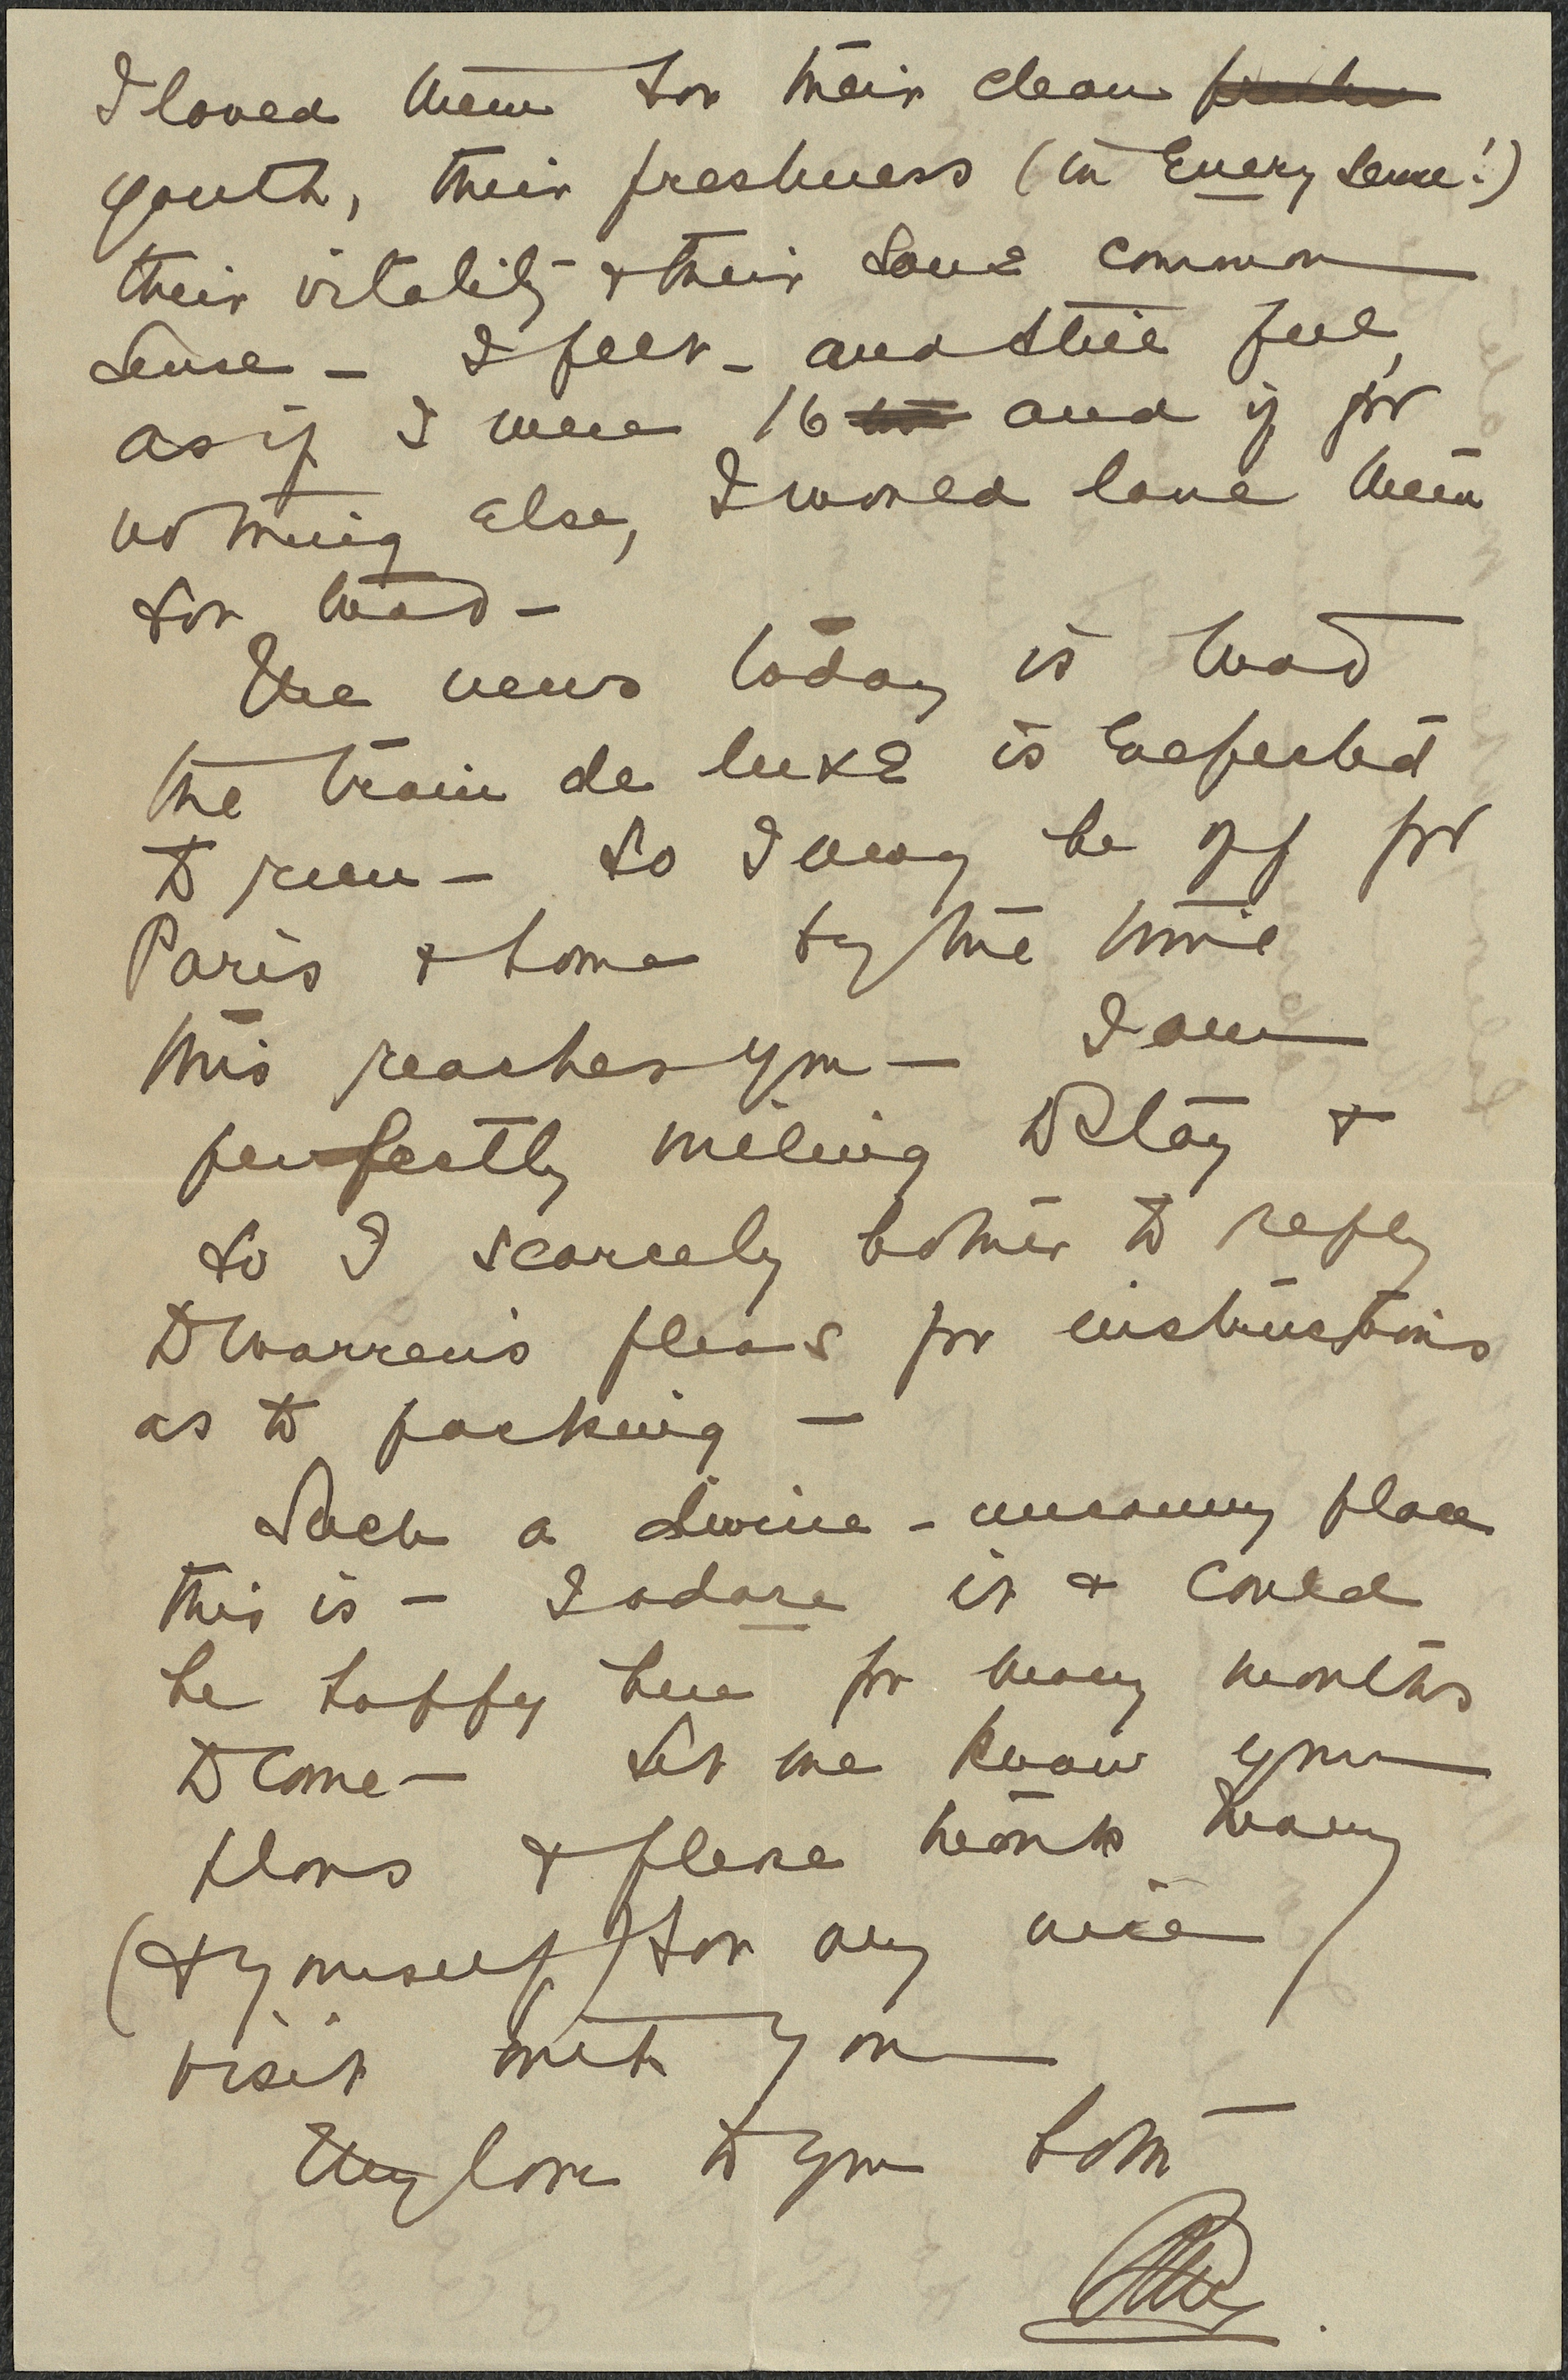I loved them for their clean fresh youth, their freshness (in every sense!) their vitality & their sane common sense – I felt – and still feel, as if I were 16 [illegible deletion] and if for nothing else, I would love them for that –
The news today is that the train de luxe is expected to run – so I may be off for Paris & home by the time this reaches you – I am perfectly willing to stay & so I scarcely bother to reply to Warren's pleas for instructions as to packing –
Such a divine – uncanny place this is – I adore it & could be happy here for many months to come – let me know your plans & please thank Mary (& yourself) for my nice visit with you
My love to you from –
Belle